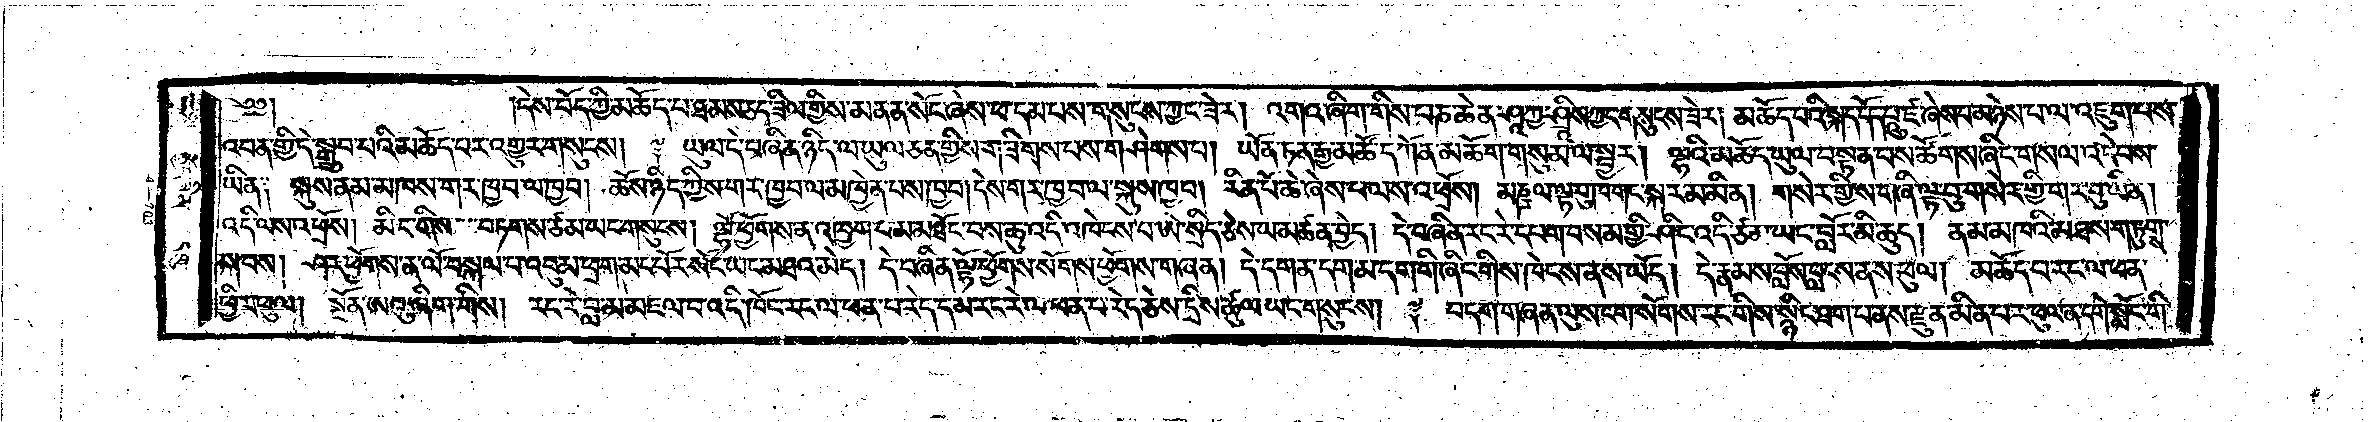༄༅། །དེས་བོད་ཀྱི་མཆོད་པ་ཐམས་ཅད་ཟིལ་གྱིས་མནན་སོང་ཞེས་པ་དམ་པས་གསུངས་ཀྱང་ཟེར། འགའ་ཞིག་གིས་པཎ་ཆེན་ཤཱཀྱ་ཤྲཱིས་ཀྱང་གསུངས་ཟེར། མཆོད་པའི་སྐད་དོད་པཱུ་ཛ་ཞེས་པ་མཉེས་པ་ལ་འཇུག་པས་
འབན་གྱི་དེ་སྒྲུབ་པའི་མཆོད་པར་འགྱུར་གསུངས། ༈ ཡུལ་དེ་བཞིན་ཉིད་ལ་ཡུལ་ཅན་གྱིས་གཟིགས་པས་གཤེགས་པ། ཡོན་ཏན་རྒྱ་མཚོ་དཀོན་མཆོག་གསུམ་ལ་སྦྱར། ལྷའི་མཆོད་ཡུལ་བསྟན་བས་ཚོགས་ཞིང་གསལ་འདེབས་
ཡིན༑ སྐུས་ནམ་མཁས་གར་ཁྱབ་ལ་ཁྱབ། ཆོས་ཉིད་ཀྱིས་གར་ཁྱབ་ལ་མཁྱེན་པས་ཁྱབ། དེས་གར་ཁྱབ་ལ་སྐུས་བྱ་བ། རིན་པོ་ཆེ་ཞེས་པ་ལས་འཕྲོས། མཎྜལ་ལྟ་བུ་ཁ་གང་སྐར་མ་མིན། གསེར་གྱི་ས་གཞི་ལྟ་བུ་གསེར་གྱི་གར་བུ་ཡིན།
འདི་ལས་འཕྲོས། མིང་གིས་བཏགས་ཙམ་ཡང་གསུངས། ལྷོ་ཕྱོགས་ན་འཁྱག་པ་མ་མཐོང་བས་ཆུ་འདི་འཁེངས་བ་ཨེ་སྲིད་ཅེས་ཡ་མཚན་བྱེད། དེ་བཞིན་རང་རེ་དཔག་བསམ་གྱི་ཤིང་འདི་ཙམ་ཡང་བློར་མི་ཆུད། ནམ་མཁའི་མཐས་གཏུགས་
སྐབས། ཤར་ཕྱོགས་ན་ལོ་བསྐལ་བ་འབུམ་ཕྲག་མང་པོར་སོང་ཡང་མཐའ་མེད། དེ་བཞིན་ལྷོ་ཕྱོགས་སོགས་ཕྱོགས་གཞན། དེ་དགན་དག་མ་དག་གི་ཞིང་གིས་ཁེངས་ནས་ཡོད། དེ་རྣམས་བློས་བླངས་ནས་ཕུལ། མཆོད་བ་རང་ལ་ཕན་
ཕྱིར་ཕུལ། སྔོན་ཨཱུ་ཞིག་གིས། རང་རེ་བླ་མ་མཇལ་བ་འདི་ཁོང་རང་ལ་ཕན་པ་རེད་དམ་རང་རེ་ལ་ཕན་པ་རེད་ཅེས་དྲིས་ཚུལ་ཡང་གསུངས། ༈ བདག་གཞན་ལུས་ངག་སོགས་རང་གིས་སྙིང་ཐག་པ་ནས་རྫུན་མིན་པར་ཕུལ་ན་དགེ་སློང་གི་